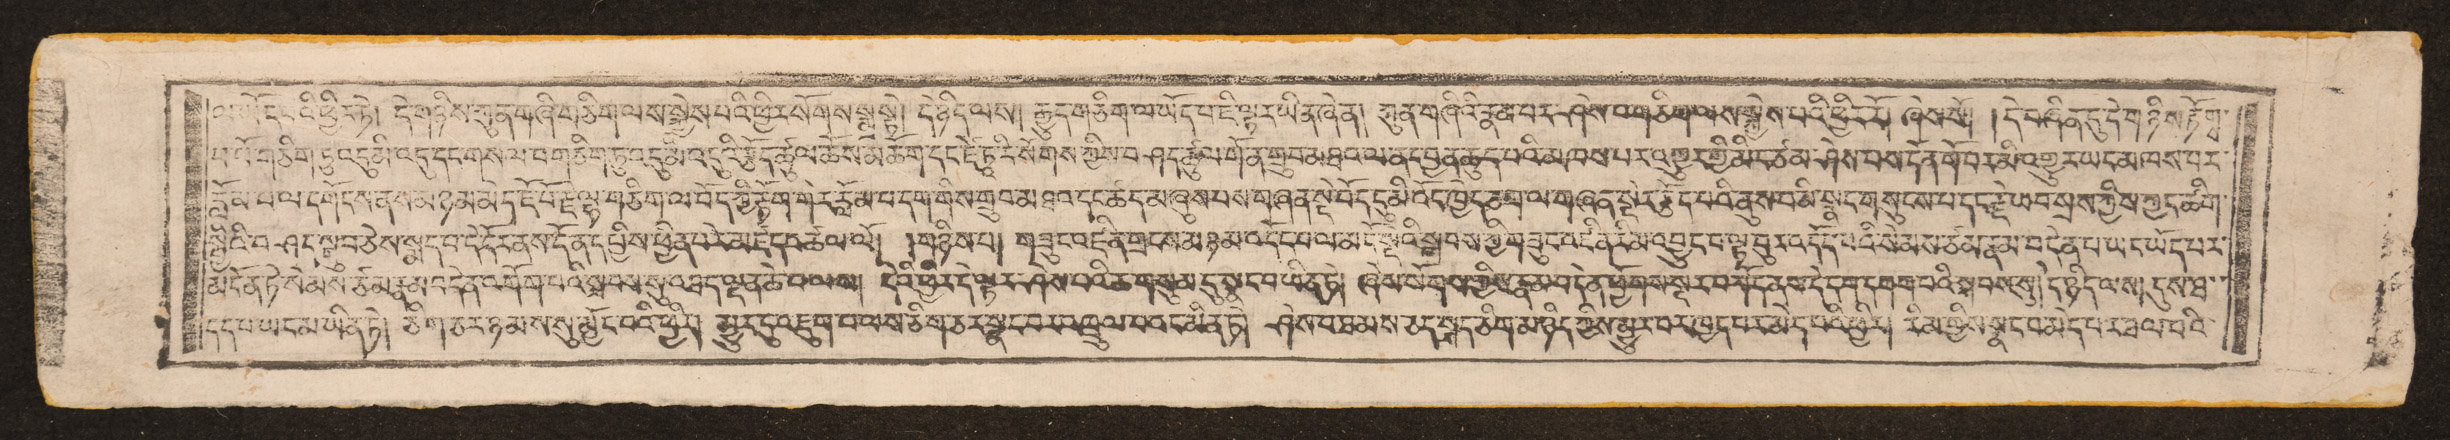ལ་ཡོད་པའི་ཕྱིར་ཏེ། དེ་གཉིས་ཀུན་གཞི་གཅིག་ལས་སྐྱེས་པའི་ཕྱིར་སོགས་སྨྲ་སྟེ། དེ་ཉིད་ལས། རྒྱུད་གཅིག་ལ་ཡོད་པ་ཇི་ལྟར་ཡིན་ཞེ་ན། ཀུན་གཞིའི་རྣམ་པར་ཤེས་པ་གཅིག་ལས་སྐྱེས་པའི་ཕྱིར་རོ། ཞེས་སོ། །དེ་བཞིན་དུ་དེ་གཉིས་རྟགས་
པ་པོ་གཅིག་ཏུ་འདུ་མི་འདུ་དང་གསལ་བ་གཅིག་ཏུ་འདུ་མི་འདུའི་རྩོད་ཚུལ་ཆོས་མཆོག་དང་ཛེ་ཏཱ་རི་སོགས་ཀྱིས་བཤད་ཚུལ་གོ་ན་གྲུབ་མཐའ་ལ་ནད་བྱན་ཆུད་པའི་མཁས་པར་འགྱུར་གྱི་མིང་ཙམ་ཤེས་པས་དོན་གོ་བར་མི་འགྱུར་ཡང་མཁས་པར་
རློམ་པ་ལ་དགོངས་ནས་མཉམ་མེད་ཇོ་བོ་རྗེ་ལྷ་གཅིག་ལ་བོད་ཀྱི་རྟོག་གར་རློམ་པ་དག་གིས་གྲུབ་མཐའ་དང་ཚད་མ་ཞུས་པས་གཞན་སྡེ་བོད་དུ་མི་འོང་ཁྱེད་ཅག་ལ་གཞན་སྡེར་རྩོད་པའི་ནུས་པ་མི་སྣང་གསུངས་པ་དང་རྗེ་ཡབ་སྲས་ཀྱིས་ཀྱང་ཚིག་
སྤྱིའི་བཤད་སྒྲུབ་ཅེས་སྨད་པ་དེ་དོར་ནས་དོན་དཔྱིས་ཕྱིན་པ་རེ་མཛད་འཚལ་ལོ། །གཉིས་པ། གཟུང་འཛིན་གྲངས་མཉམ་འདོད་པ་ལ་མདོ་སྡེའི་སྐབས་ཀྱི་གཟུང་འཛིན་རིམ་འབྱུང་བ་ལྟ་བུར་འདོད་པའི་སེམས་ཙམ་རྣམ་བདེན་པ་ཡང་ཡོད་པར་
མངོན་ཏེ་སེམས་ཙམ་རྣམ་བདེན་འགོག་པའི་སྐབས་སུ་འཐད་ལྡན་ཆེ་བ་ལས། དེའི་ཕྱིར་དེ་ལྟར་ཤེས་པའི་ཆ་གསུམ་དུ་སྣང་བ་ཡིན་ཏེ། ཞེས་སོགས་ཀྱིས་རྣམ་བདེན་ཕྱོགས་སྔར་བཀོད་ནས་དེ་དག་དགག་པའི་སྐབས་སུ། དེ་ཉིད་ལས། དུས་ཐ་
དད་པ་ཡང་མ་ཡིན་ཏེ། ཅིག་ཅར་ཉམས་སུ་མྱོང་བའི་ཕྱིར། མྱུར་དུ་འཇུག་པ་ལས་ཅིག་ཅར་སྣང་བར་འཁྲུལ་པ་འང་མིན་ཏེ། ཤེས་པ་ཐམས་ཅད་སྐད་ཅིག་མ་ཉིད་ཀྱིས་མྱུར་བར་ཁྱད་པར་མེད་པའི་ཕྱིར། རིམ་གྱིས་སྣང་བ་མེད་པར་ཐལ་བའི་